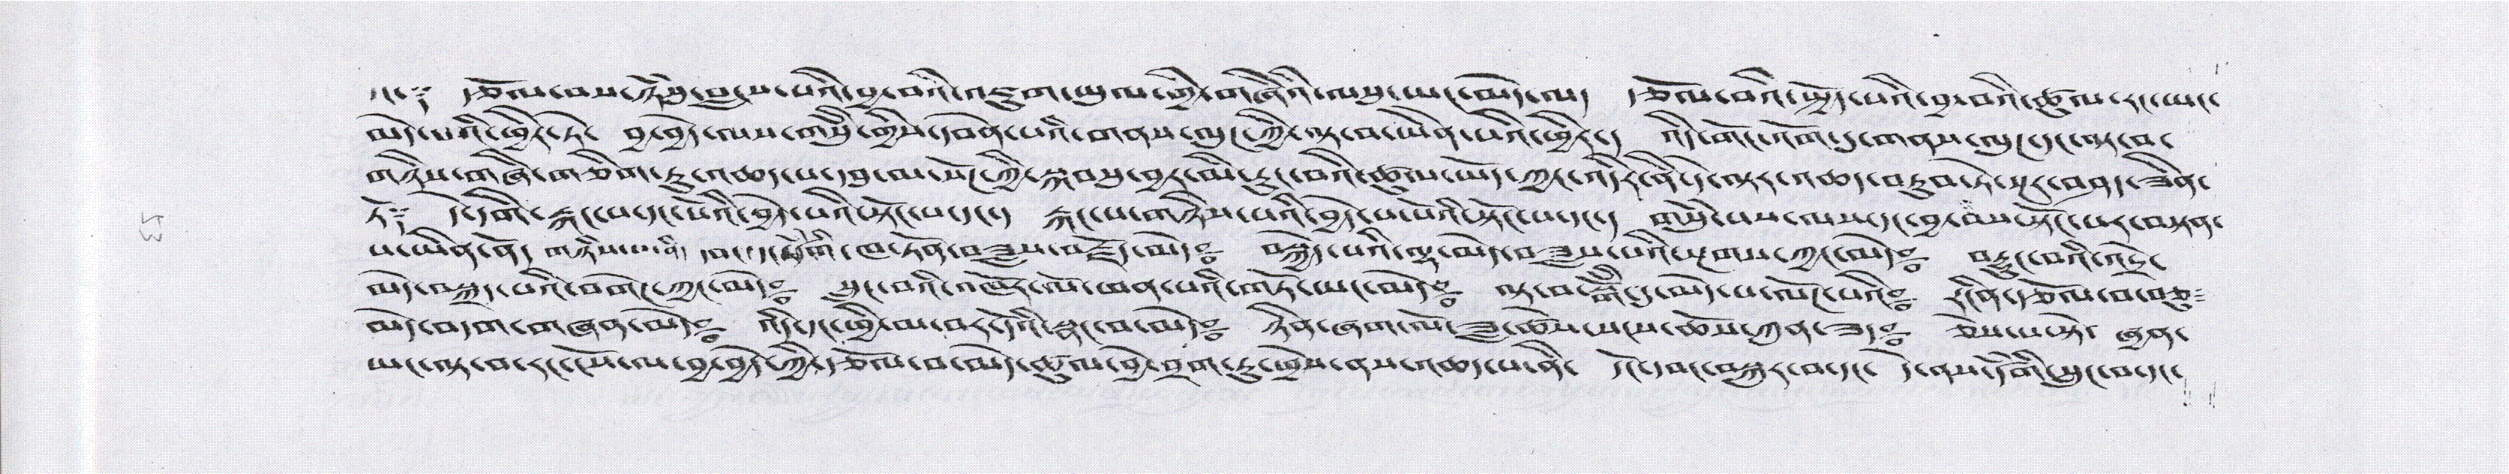དང་། རྩོལ་བས་ཉམས་སུ་བླང་བའི་བྱ་བའི་འཇུག་ཡུལ་གྱི་གཞིའི་ལས་སུ་ཡང་མེད་ལ། རྩོལ་བའི་སྤྱོད་པའི་བྱ་བའི་ཚུལ་རང་ཡང་
མེད་པའི་ཕྱིར་ཏེ། བྱ་བྱེད་ལས་གསུམ་གྱིས་དབེན་པའི་གནས་ལུགས་ཀྱི་ལྟ་བ་ཡིན་པའི་ཕྱིར། འདི་གོང་འོག་ཏུ་གནས་ལུགས་དང་ལྟ་བ་
གཉིས་གཞི་གཅིག་ཏུ་འཆད་པ་དབུ་མ་སོགས་ཀྱི་སྐབས་སུ་བྱར་མི་རུང་བའི་ཚུལ་ཡོད་ཀྱང་འདིར་ནི་དེ་ལྟར་འཆད་བཏུབ་སྟེ་སྔར་བཤད་ཟིན་
ཏོ། དེ་དག་གི་རྐང་པ་དང་པོའི་བྱེད་པས་སྟོང་པ་དང་། རྐང་པ་གཉིས་པའི་བྱེད་པ་པོས་སྟོང་པ་དང་། གསུམ་པས་ལས་དང་བྱ་ལས་སྟོང་པར་བསྟན་
པ་ཡིན་ནོ། གཉིས་པ་ནི། དབང་དང་དམ་ཚིག་ཁ་ཐོན་བཟླས་བརྗོད་མེདཿ བསྐྱེད་པའི་ལྷ་མེད་བཟླས་པའི་སྔགས་ཀྱང་མེདཿ བརྡུང་བའི་འདྲེ་
མེད་བསྐྲད་པའི་བགེགས་ཀྱང་མེདཿ སྲུང་བའི་འཁོར་ལོ་ཕན་པའི་གཏོ་ཡང་མེདཿ ལྟ་བ་བསྒོམ་དུ་མེད་པ་ལ་སོགས་པའིཿ རང་བཞིན་རྩོལ་བ་བཅུ་
མེད་བདག་གཞན་མེདཿ འདི་དང་ཕྱི་མ་བར་དོའི་སྣང་བ་མེདཿ ཉིན་ཞག་ལོ་ཟླ་ཚེས་སངས་ཆོས་ཀུན་ཟདཿ ཅེས་པ་སྟེ། གཞན་
ཡང་ལྟ་བ་རང་ངོས་ལ་བྱ་བྱེད་ཀྱི་རྩོལ་བ་མེད་ཚུལ་བྱེ་བྲག་ཏུ་ཕྱེས་ནས་འཆད་པ་ནི། དང་པོ་དབང་བསྐུར་བ་དང་། དེ་ནས་དམ་ཚིག་བསྲུང་བ་དང་།